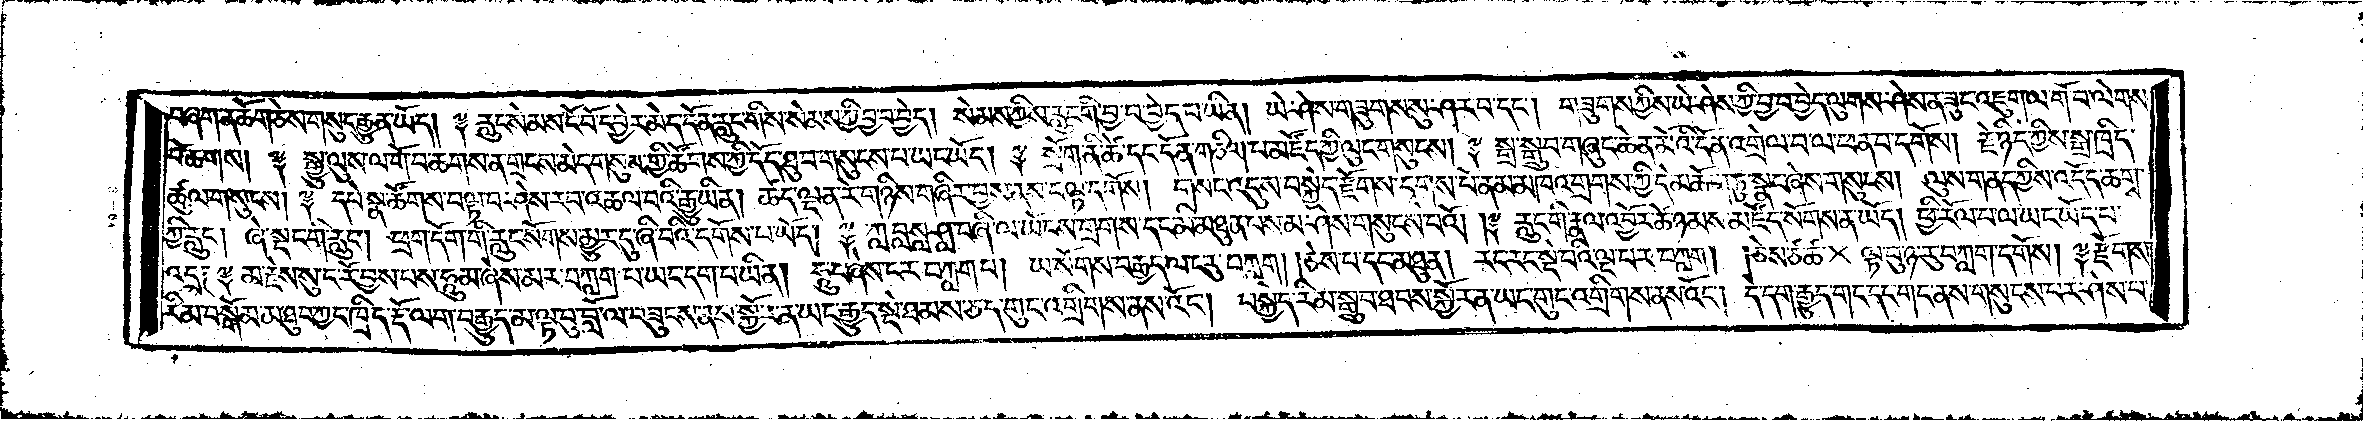བཞག་ན་ཆོག་ཅེས་གསུང་རྒྱུན་ཡོད། ༈ རླུང་སེམས་ངོ་བོ་དབྱེར་མེད་དོན་རླུང་གིས་སེམས་ཀྱི་བྱ་བ་བྱེད། སེམས་ཀྱིས་རླུང་གི་བྱ་བ་བྱེད་པ་ཡིན། ཡེ་ཤེས་གཟུགས་སུ་ཤར་བ་དང་། གཟུགས་ཀྱིས་ཡེ་ཤེས་ཀྱི་བྱ་བ་བྱེད་ལུགས་ཤེས་ན་ཟུང་འཇུག་ལག་པ་ལེད?
བོ་ཆགས། ༈ སྒྱུ་ལུས་ལ་གོ་བ་ཆགས་ན་གྲངས་མེད་གསུམ་གྱི་ཚོགས་ཀྱི་དོད་ཐུབ་གསུངས་པ་ཡང་ཡོད། ༈ སྲོག་ནི་ཚེ་དང་དོན་གཅིག་པ་མཛོད་ཀྱི་ལུང་གསུངས། ༈ སྒྲ་སྒྲུབ་གཞུང་ཆེན་མོའི་དོན་འགྲེལ་བ་ལ་ཕན་པ་དགོས། རྗེ་ཉིད་ཀྱིས་སྒྲ་ཁྲིད་
ཚུལ་གསུངས། ༈ དཔེ་སྣ་ཚོགས་བལྟབ་ཤེས་རབ་འཚལ་བའི་རྒྱུ་ཡིན། ཚད་ལྡན་རེ་གཉིས་གཞིར་བྱས་ནས་བལྟ་དགོས། གསང་འདུས་བསྐྱེད་རྫོགས་དྭགས་པོ་ནམ་མཁའ་གྲགས་ཀྱི་དེ་མཆོག་ཏུ་སྣང་ཞེས་གསུངས། ལུས་གནད་ཀྱིས་འདོད་ཆགས་
ཀྱི་རླུང་། ཞེ་སྡང་གི་རླུང་། ཕྲག་དོག་གི་རླུང་སོགས་མྱུར་དུ་ཞི་བའི་དགོས་པ་ཡོད། ༈ ཀླ་བླ་སླ་ཤླ་བཞི་ལ་ཡོངས་གྲགས་དང་མི་མཐུན་པས་མ་ཤིས་གསུངས་པའོ། །༈ རླུང་གི་རྣལ་འབྱོར་ཚེ་ཉམས་མཛོད་སོགས་ན་ཡོད། ཕྱི་རོལ་པ་ལ་ཡང་ཡོད་པ་
འདྲ༑ ༈ མ་རྗེས་སུ་ང་རོ་བྱས་པས་ཧཱུཾ་ཞེས་མར་བཀླག་པ་ཡང་དག་པ་ཡིན། ཧཱུ་ང་ཞེས་ངར་བཀླག་པ། ཡ་སོགས་བརྒྱད་ལང་རུ་བཀླག། །ཅེས་པ་དང་མཐུན། རང་རང་སྡེ་བའི་ལྔ་པར་བཀླག། །ཅེས་ཙ་ཚ྾་ལྟ་བུ་ཉ་རུ་བཀླག་དགོས། ༈ རྫོགས་
རིམ་བསྒོམ་མ་ཐུབ་ཀྱང་ཁྲིད་རྡོ་ལག་བརྒྱུད་མ་ལྟ་བུ་བློ་ལ་བཟུངས་ནས་སྐྱོར་ན་ཡང་རྒྱུད་སྡེ་ཐམས་ཅད་གུང་འགྲིགས་ནས་འོང་། བསྐྱེད་རིམ་སྒྲུབ་ཐབས་སྐྱོར་ན་ཡང་གུང་འགྲིགས་ནས་འོང་། དེ་དག་རྒྱུད་གང་དང་གང་ནས་གསུངས་པར་ཤེས་པ་